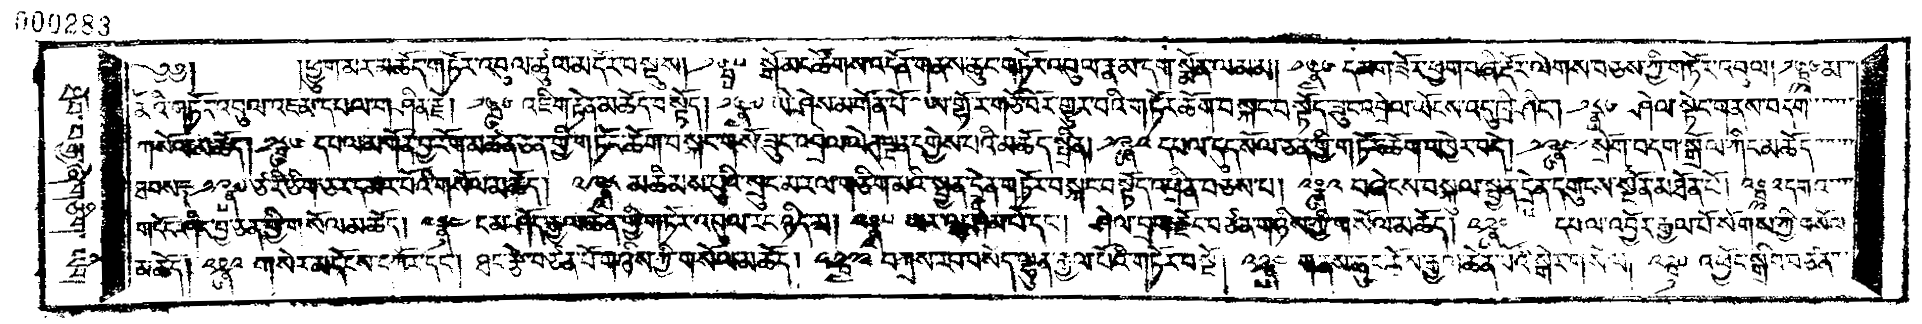༄༅། །ཕྱུག་མར་མཆོད་གཏོར་འབུལ་ཚུལ་མདོར་བསྡུས། ༡༦༥བ༥་སྒོ་མང་ཚོགས་འདོན་གནས་ཆུང་གཏོར་འབུལ་རྣམ་དག་སྨོན་ལམ་མ། ༡༦༦ན༤་དམག་ཟོར་ཕྱག་བཞི་རྡོར་ལེགས་བཅས་ཀྱི་གཏོར་འབུལ། ༡༦༦བ༣་མ་
མོའི་གཏོར་འབུལ་འཇམ་དཔལ་གཤིན་རྗེ། ༡༦༦བ༦་འཇིག་རྟེན་མཆོད་བསྟོད། ༡༦༧ན༤་ཡེ་ཤེས་མགོན་པོ་ཨ་གྷོ་ར་གཙོ་བོར་གྱུར་བའི་གཏོར་ཆོག་བསྐང་བསྟོད་ཟུང་འབྲེལ་ཡོངས་འདུ་ཁྲི་ཤིང་། ༡༨༦ན༥་ཤེལ་སྟེང་གནས་བདག་
གསོལ་མཆོད། ༡༨༦བ༦་དཔལ་མགོན་བྱ་རོག་མཚན་ཅན་གྱི་གཏོར་ཆོག་བསྐང་གསོ་ཟུང་འབྲེལ་ལེཊ་ལྡན་དགྱེས་པའི་མཆོད་སྤྲིན། ༡༩༢ན༦་དཔལ་དུད་སོལ་ཅན་གྱི་གཏོར་ཆོག་འཁྱེར་བདེ། ༡༩༤ན༦་སྲོག་བདག་སྒྲོལ་ཀིང་མཆོད་
ཐབས༑ ༡༩༧ན༥་ཙ་རི་ཅིག་ཅར་དམར་པོའི་གསོལ་མཆོད། ༢༩༨ན༢་མཆིམས་པུའི་སྲུང་མ་རལ་གཅིག་མའི་སྤྱན་འདྲེན་གཏོར་བསྐང་བསྟོད་འཕྲིན་བཅས་པ། ༢༠༢ན༦་བཞེངས་བསྐུལ་སྤྱན་འདྲེན་དགུངས་སྔོན་མཐོན་པོ། ༢༠༢བ༣་དགའ་
གདོང་ཤིང་བྱ་ཅན་གྱི་གསོལ་མཆོད། ༢༠༤ན༡་ངམ་ཤོད་རྒྱལ་ཆེན་གྱི་གཏོར་འབུལ་རང་ཉིད་མ། ༢༠༥ན༢་ཡར་ལྷ་ཤམ་པོ་དང་། ཤེལ་བྲག་རྗོང་བཙན་གཉིས་ཀྱི་གསོལ་མཆོད། ༢༡༠ན༦་དཔལ་འབྱོར་རྒྱལ་པོ་སོགས་ཀྱི་གསོལ་
མཆོད། ༢༡༢ན༦་གསེར་མདོངས་དཀོར་དང་། ཐང་རྩེ་བཙན་པོ་གཉིས་ཀྱི་གསོལ་མཆོད། ༢༡༣བ༤་བཀྲས་རབ་བསོད་ལྷུན་རྒྱལ་པོའི་གཏོར་བསྔོ། ༢༡༤ན༥་གནས་ཆུང་ཆོས་རྒྱལ་ཆེན་པོའི་སྒེར་གསོལ། ༢༡༠བ༡་འཕྱོང་སྒྲིབ་བཙན་